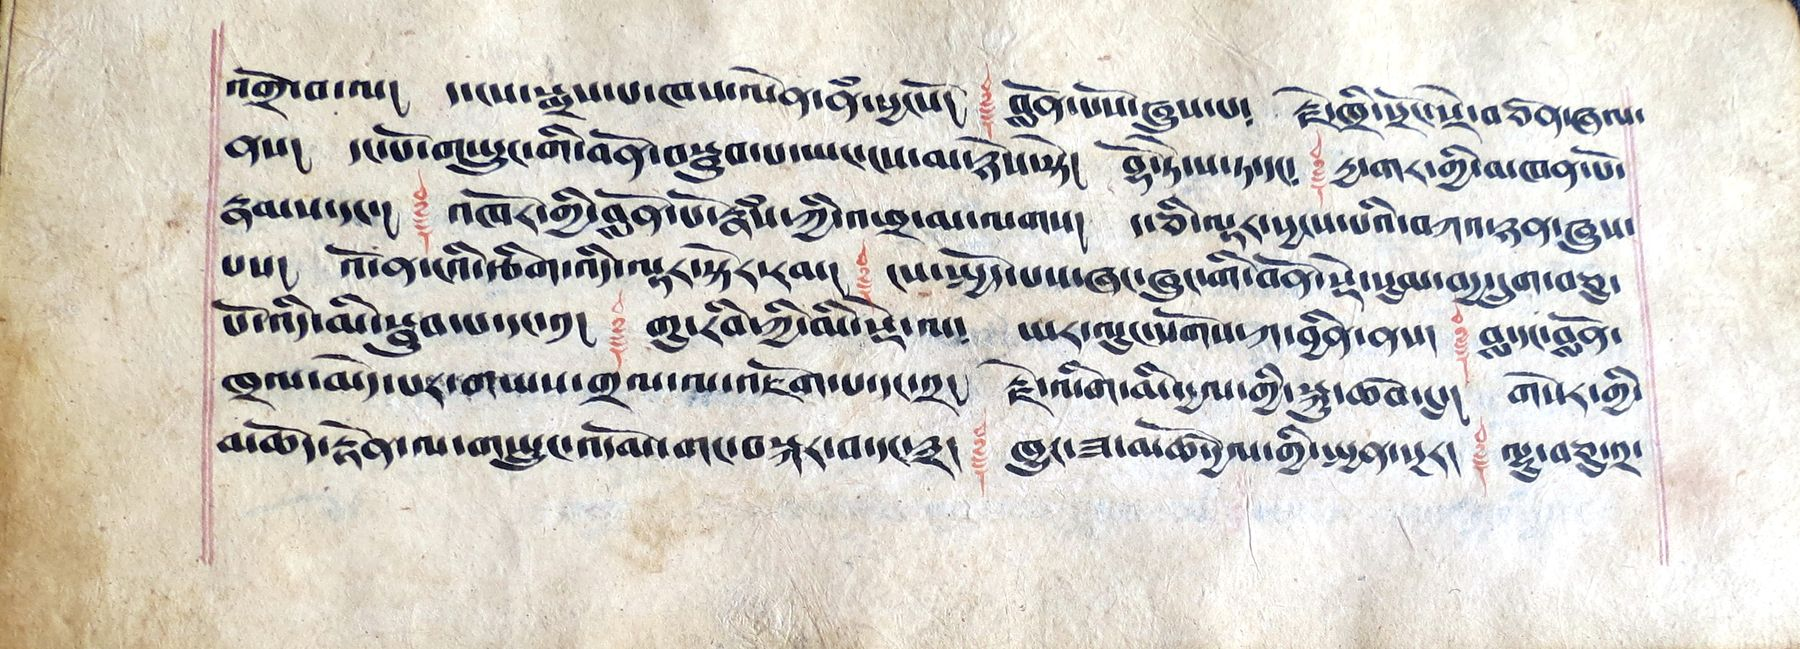འགྲོ་བ་ལ། ད་ངས་སྨྲས་པ་ཁས་ལེན་ནམ་གསུངས། བློན་པོས་ཞུས་པ། རྗེ་ཁྲི་སྲོང་ལྡེའུ་བཙན་གྱིས་ཞལ་
ནས། དང་པོ་གཡུང་དྲུང་བོན་བསྣུབས་པ་ཡང་ངས་མ་ཉེས་ཏེ། བྷོ་ཏི་ས་ཏྭ་དང་རྒྱ་གར་གྱི་མཁན་པོ་
རྣམས་དང་། འཁོར་གྱི་བློན་པོ་རྣམས་ཀྱིས་ཕྲ་མ་ལགས། ད་ཅི་ལྟར་གསུངས་པ་བཀའ་ཉན་ཞུས་
པས། འོ་ན་ངའི་ཚིག་བཞི་འདི་སྟེར་རམ། ངས་སྤྱོད་པའི་ཞང་ཞུང་གི་བོན་སྡེ་སུམ་བརྒྱ་དྲུག་ཅུ་
པོ་འདི་མི་བསྣུབ་པ་དང་གཅིག གུ་རིབ་ཀྱི་མི་སྡེ་འདི་ལ་ཡུལ་ཡར་ལུང་སོགས་ཁ་བྱིན་ནས། བླ་དང་བློན་
གྱི་ཁྲལ་མེད་པར་གཡས་གྲལ་འཇོག་པ་དང་གཉིས། རྗེ་ལིག་མི་རྐྱའི་སྐུ་ཚད་དུ། གསེར་གྱི་
མཆོད་རྟེན་ལ་གཡུང་དྲུང་འདོམས་གང་དགར་བ་དང་། ཁྱུང་བཟའ་མཚོ་རྒྱལ་གྱི་སྤྱན་སྔར། ལྷུ་བཅུ་གཉིས་